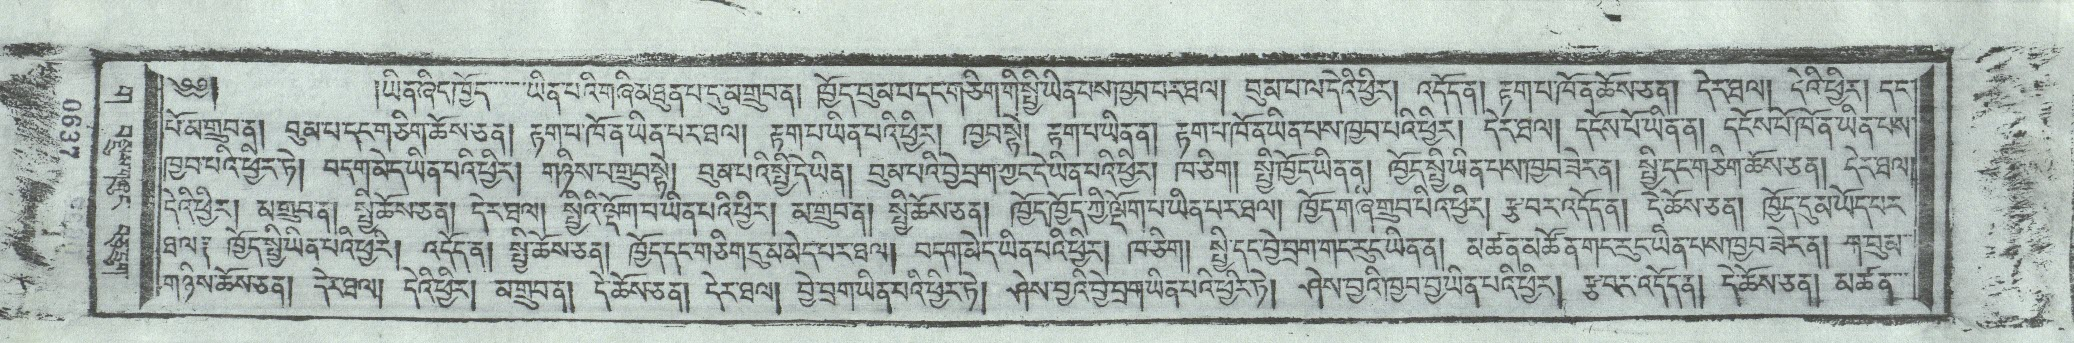༄༅། །ཡིན་ཞིང་ཁྱོད་ཡིན་པའི་གཞི་མཐུན་པ་དུ་མ་གྲུབ་ན། ཁྱོད་བུམ་པ་དང་གཅིག་གི་སྤྱི་ཡིན་པས་ཁྱབ་པར་ཐལ། བུམ་པ་ལ་དེའི་ཕྱིར། འདོད་ན། རྟག་པ་ཁོ་ན་ཆོས་ཅན། དེར་ཐལ། དེའི་ཕྱིར། དང་
པོ་མ་གྲུབ་ན། བུམ་པ་དང་གཅིག་ཆོས་ཅན། རྟག་པ་ཁོ་ན་ཡིན་པར་ཐལ། རྟག་པ་ཡིན་པའི་ཕྱིར། ཁྱབ་སྟེ། རྟག་པ་ཡིན་ན། རྟག་པ་ཁོ་ན་ཡིན་པས་ཁྱབ་པའི་ཕྱིར། དེར་ཐལ། དངོས་པོ་ཡིན་ན། དངོས་པོ་ཁོ་ན་ཡིན་པས་
ཁྱབ་པའི་ཕྱིར་ཏེ། བདག་མེད་ཡིན་པའི་ཕྱིར། གཉིས་པ་གྲུབ་སྟེ། བུམ་པའི་སྤྱི་དེ་ཡིན། བུམ་པའི་བྱེ་བྲག་ཀྱང་དེ་ཡིན་པའི་ཕྱིར། ཁ་ཅིག། སྤྱི་ཁྱོད་ཡིན་ན། ཁྱོད་སྤྱི་ཡིན་པས་ཁྱབ་ཟེར་ན། སྤྱི་དང་གཅིག་ཆོས་ཅན། དེར་ཐལ་
དེའི་ཕྱིར། མ་གྲུབ་ན། སྤྱི་ཆོས་ཅན། དེར་ཐལ། སྤྱིའི་ལྡོག་པ་ཡིན་པའི་ཕྱིར། མ་གྲུབ་ན། སྤྱི་ཆོས་ཅན། ཁྱོད་ཁྱོད་ཀྱི་ལྡོག་པ་ཡིན་པར་ཐལ། ཁྱོད་གཞི་གྲུབ་པའི་ཕྱིར། རྩ་བར་འདོད་ན། དེ་ཆོས་ཅན། ཁྱོད་དུ་མ་ཡོད་པར་
ཐལ། ཁྱོད་སྤྱི་ཡིན་པའི་ཕྱིར། འདོད་ན། སྤྱི་ཆོས་ཅན། ཁྱོད་དང་གཅིག་དུ་མ་མེད་པར་ཐལ། བདག་མེད་ཡིན་པའི་ཕྱིར། ཁ་ཅིག། སྤྱི་དང་བྱེ་བྲག་གང་རུང་ཡིན་ན། མཚན་མཚོན་གང་རུང་ཡིན་པས་ཁྱབ་ཟེར་ན། ཀ་བུམ་
གཉིས་ཆོས་ཅན། དེར་ཐལ། དེའི་ཕྱིར། མ་གྲུབ་ན། དེ་ཆོས་ཅན། དེར་ཐལ། བྱེ་བྲག་ཡིན་པའི་ཕྱིར་ཏེ། ཤེས་བྱའི་བྱེ་བྲག་ཡིན་པའི་ཕྱིར་ཏེ། ཤེས་བྱའི་ཁྱབ་བྱ་ཡིན་པའི་ཕྱིར། རྩ་བར་འདོད་ན། དེ་ཆོས་ཅན། མཚན་